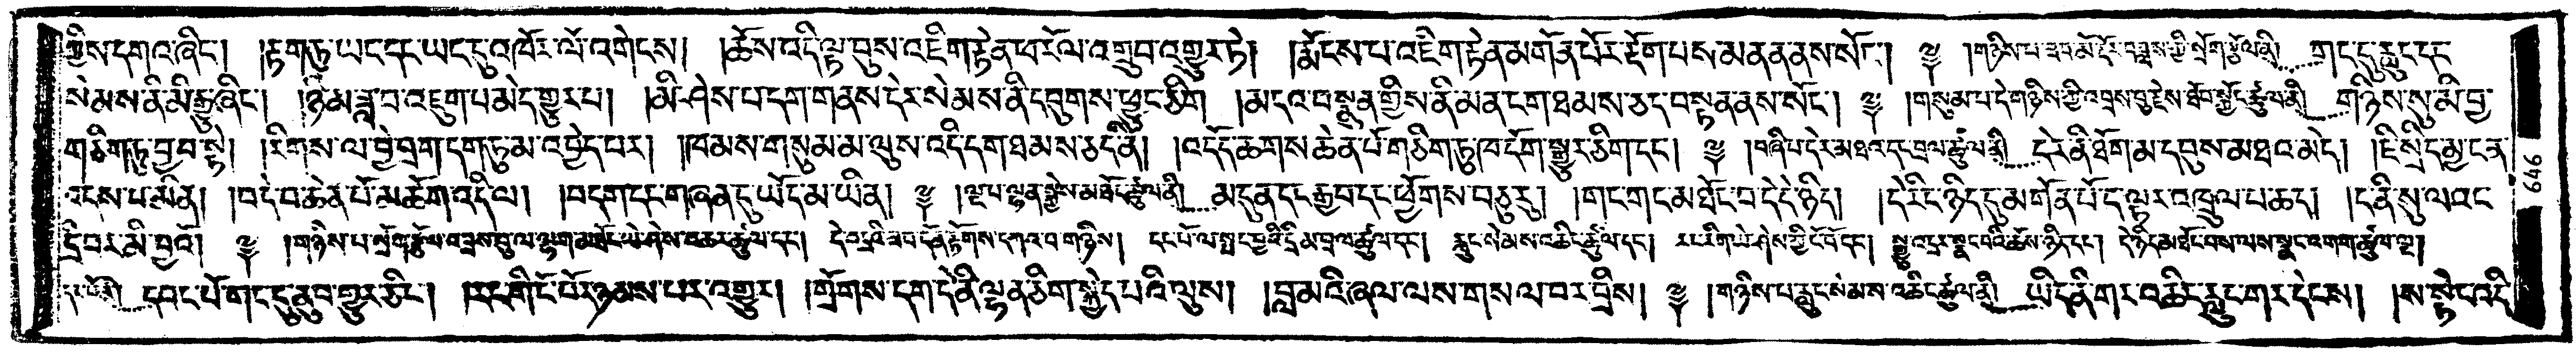ཀྱིས་དགའ་ཞིང་། །རྟག་ཏུ་ཡང་དང་ཡང་དུ་འཁོར་ལོ་འགེངས། །ཆོས་འདི་ལྟ་བུས་འཇིག་རྟེན་ཕ་རོལ་འགྲུབ་འགྱུར་ཏེ། །རྨོངས་པ་འཇིག་རྟེན་མགོན་པོར་རྡོག་པས་མནན་ནས་སོང་། ༈ །གཉིས་པ་ཟབ་མོ་རྡོར་བཟླས་ཀྱི་སྲོག་རྩོལ་ནི། གང་དུ་རླུང་དང་
སེམས་ནི་མི་རྒྱུ་ཞིང་། །ཉི་མ་ཟླ་བ་འཇུག་པ་མེད་གྱུར་པ། །མི་ཤེས་པ་དག་གནས་དེར་སེམས་ནི་དབུགས་ཕྱུང་ཅིག །མདའ་བསྣུན་གྱིས་ནི་མན་ངག་ཐམས་ཅད་བསྟན་ནས་སོང་། ༈ །གསུམ་བདེ་གཉིས་ཀྱི་འབྲས་བུ་རྗེས་ཐོབ་སྐྱོང་ཚུལ་ནི། གཉིས་སུ་མི་བྱ་
གཅིག་ཏུ་བྱ་བ་སྟེ། །རིགས་ལ་བྱེ་བྲག་དག་ཏུ་མ་འབྱེད་པར། །ཁམས་གསུམ་མ་ལུས་འདི་དག་ཐམས་ཅད་ནི། །འདོད་ཆགས་ཆེན་པོ་གཅིག་ཏུ་ཁ་དོག་སྒྱུར་ཅིག་དང་། ༈ །བཞི་པ་དེར་མཐའ་དང་བྲལ་ཚུལ་ནི། དེར་ནི་ཐོག་མ་དབུས་མཐའ་མེད། །ཇི་སྲིད་མྱ་ངན་
འདས་པ་མིན། །བདེ་བ་ཆེན་པོ་མཆོག་འདི་ལ། །བདག་དང་གཞན་དུ་ཡོད་མ་ཡིན། ༈ །ལྔ་པ་ལྷན་སྐྱེས་མཐོང་ཚུལ་ནི། མདུན་དང་རྒྱབ་དང་ཕྱོགས་བཅུ་རུ། །གང་གང་མཐོང་བདེ་དེ་ཉིད། །དེ་རིང་ཉིད་དུ་མགོན་པོ་ད་ལྟར་འཁྲུལ་བ་ཆད། །ད་ནི་སུ་ལའང་
དྲི་བར་མི་བྱའོ། ༈ །གཉིས་པ་སྲོག་རྩོལ་འབྲས་བུ་མ་ལྷག་མཐོང་ཡེ་ཤེས་འཆར་ཚུལ་དང་། དེ་འདྲའི་ཟབ་དོན་རྟོགས་དཀའ་བ་གཉིས། དང་པོ་ལ་སྤང་བྱའི་དྲི་མ་བྲལ་ཚུལ་དང་། རླུང་སེམས་འཆིང་ཚུལ་དང་། རང་རིག་ཡེ་ཤེས་ཀྱི་ངོ་བོ་དང་། སྒྱུ་འདྲར་སྣང་བའི་ཆོས་ཉིད་དང་། དེ་ཉིད་མཐོང་བས་ལས་སྣང་འགག་ཚུལ་ལྔ།
དང་པོ་ནི། དབང་པོ་གང་དུ་ནུབ་གྱུར་ཅིང་། །རང་གི་ངོ་བོར་ཉམས་པར་འགྱུར། །གྲོགས་དག་དེ་ནི་ལྷན་ཅིག་སྐྱེད་པའི་ལུས། །བླ་མའི་ཞལ་ལས་གསལ་བར་བྲིས། ༈ །གཉིས་པ་རླུང་སེམས་འཆིང་ཚུལ་ནི། ཡིད་ནི་གར་འཆིང་རླུང་གར་དེངས། །ས་སྟེང་འདི་